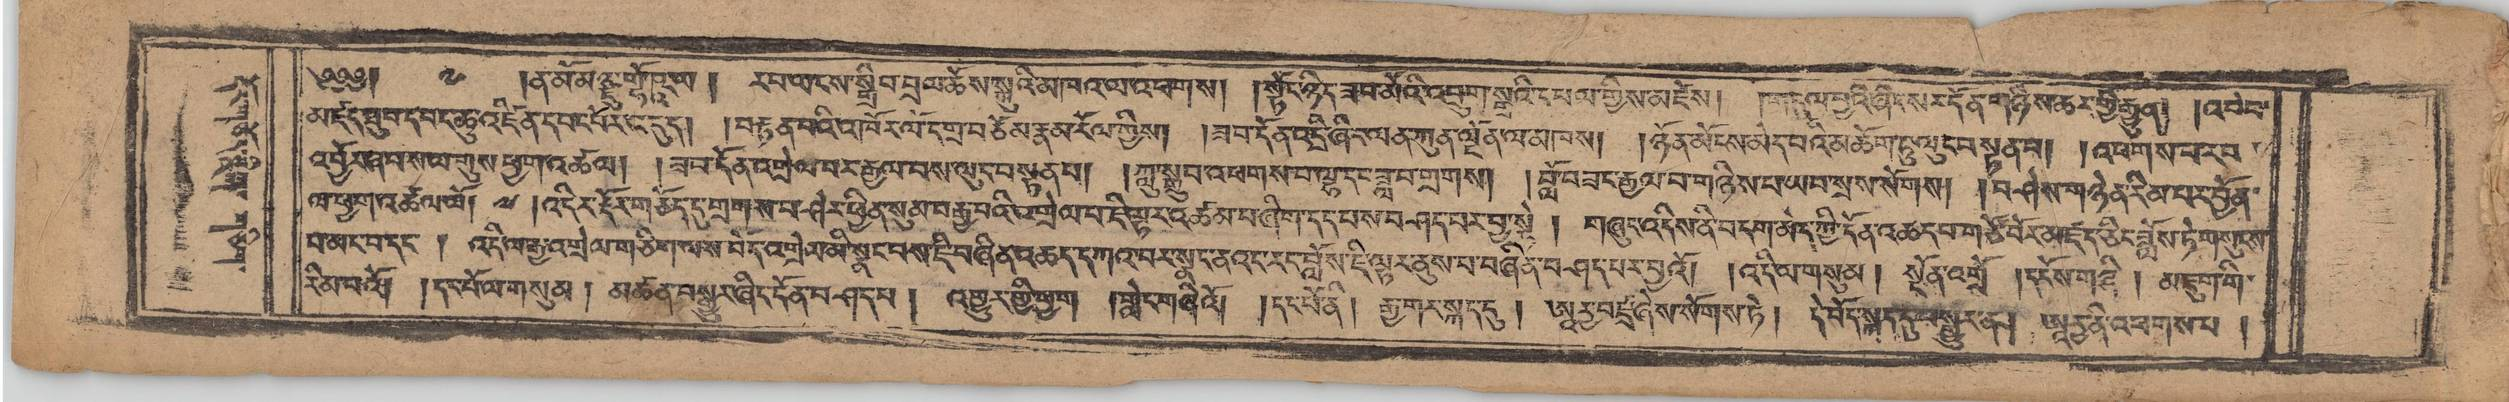༄༅། ༈ །ན་མོ་མཉྫུ་གྷོ་ཥཱ་ཡ། རབ་ཡངས་སྒྲིབ་བྲལ་ཆོས་སྐུའི་མཁའ་ལ་འཕགས། །སྟོང་ཉིད་ཟབ་མོའི་འབྲུག་སྒྲའི་དཔལ་ཀྱིས་མཛེས། །གདུལ་བྱའི་ཞིང་སར་དོན་གཉིས་ཆར་གྱི་རྒྱུན། །འབེབ་
མཛད་ཐུབ་དབང་ཆུ་འཛིན་དབང་པོར་འདུད། །བརྟན་པའི་འཁོར་ལོ་དགྲ་བཅོམ་རྣམ་རོལ་ཀྱིས། །ཟབ་དོན་འདྲི་ཞིང་ལན་ཀུན་ལྡོན་ལ་མཁས། །ཉོན་མོངས་མེད་པའི་མཆོག་ཏུ་ལུང་བསྟན་པ། །འཕགས་པ་རབ་
འབྱོར་ཞབས་ལ་གུས་ཕྱག་འཚལ། །ཟབ་དོན་འགྲེལ་པར་རྒྱལ་བས་ལུང་བསྟན་པ། །ཀླུ་སྒྲུབ་འཕགས་པ་ལྷ་དང་ཟླ་བ་གྲགས། །བློ་བཟང་རྒྱལ་བ་གཉིས་པ་ཡབ་སྲས་སོགས། །བཤེས་གཉེན་རིམ་པར་བྱོན་
ལ་ཕྱག་འཚལ་ལོ། ༈ །འདིར་རྡོར་གཅོད་དུ་གྲགས་པ་ཤེར་ཕྱིན་སུམ་བརྒྱ་པའི་འགྲེལ་པ་ཇི་ལྟར་འཚམ་པ་ཞིག་དད་པས་བཤད་པར་བྱ་སྟེ། །གཞུང་འདིས་ནི་བདག་མེད་ཀྱི་དོན་འཆད་པ་གཙོ་བོར་མཛད་ཅིང་ཟློས་ཏེ་གསུངས་
པ་མང་བ་དང་། འདི་ལ་རྒྱ་འགྲེལ་གཅིག་ལས་བོད་འགྲེལ་མི་སྣང་བས་ཇི་བཞིན་འཆད་དཀའ་བར་སྣང་ནའང་རང་བློས་ཇི་ལྟར་ནུས་པ་བཞིན་བཤད་པར་བྱའོ། །འདི་ལ་གསུམ། སྔོན་འགྲོ་།དངོས་གཞི། མཇུག་གི་
རིམ་པའོ། །དང་པོ་ལ་གསུམ། མཚན་བསྒྱུར་ཞིང་དོན་བཤད་པ། འགྱུར་གྱི་ཕྱག །གླེང་གཞིའོ། །དང་པོ་ནི། རྒྱ་གར་སྐད་དུ། ཨཱརྱ་བཛྲ་ཞེས་སོགས་ཏེ། དེ་བོད་སྐད་དུ་བསྒྱུར་ན། ཨཱརྱ་ནི་འཕགས་པ།